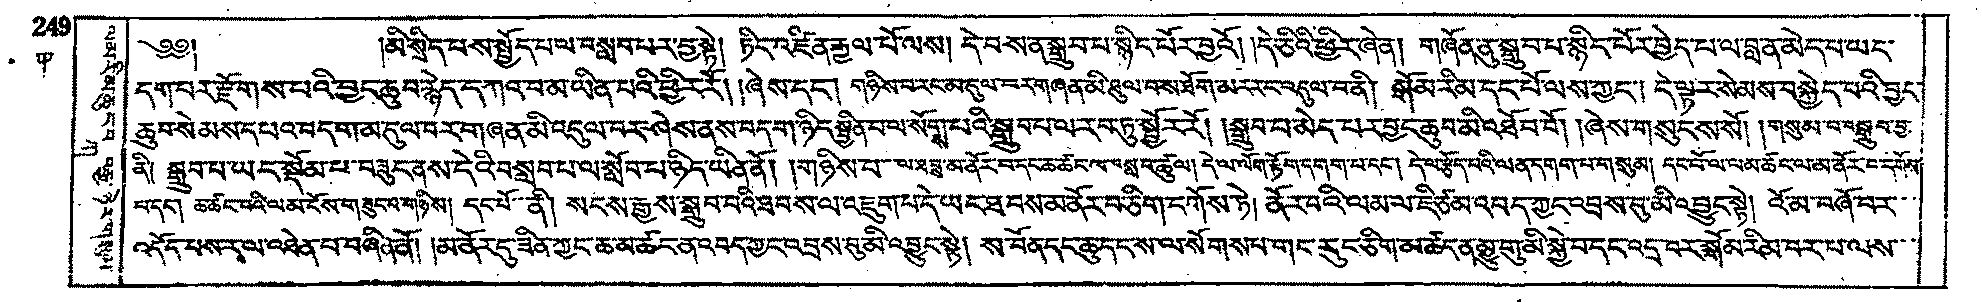༄༅། །མི་སྲིད་པས་སྤྱོད་པ་ལ་བསླབ་པར་བྱ་སྟེ། ཏིང་འཛིན་རྒྱལ་པོ་ལས། དེ་བས་ན་སྒྲུབ་པ་སྙིང་པོར་བྱའོ། །དེ་ཅིའི་ཕྱིར་ཞེ་ན། གཞོན་ནུ་སྒྲུབ་པ་སྙིང་པོར་བྱེད་པ་ལ་བླ་ན་མེད་པ་ཡང་
དག་པར་རྫོགས་པའི་བྱང་ཆུབ་རྙེད་དཀའ་བ་མ་ཡིན་པའི་ཕྱིར་རོ། །ཞེས་དང་། གཉིས་པ་རང་མ་དུལ་བར་གཞན་མི་ཐུལ་བ་ས་ཐོག་མར་རང་འདུལ་བ་ནི།  སྒོམ་རིམ་དང་པོ་ལས་ཀྱང་། དེ་ལྟར་སེམས་བསྐྱེད་པའི་བྱང་
ཆུབ་སེམས་དཔའ་བདག་མ་དུལ་བར་གཞན་མི་འདུལ་བར་ཤེས་ནས་བདག་ཉིད་སྦྱིན་པ་ལ་སོགས་པའི་སྒྲུབ་པ་ལ་རབ་ཏུ་སྦྱོར་རོ། །སྒྲུབ་པ་མེད་པར་བྱང་ཆུབ་མི་འཐོབ་བོ། །ཞེས་གསུངས་སོ། །གསུམ་པ་བསྒྲུབ་བྱ་
ནི༑ སྒྲུབ་པ་ཡང་སྡོམ་པ་བཟུང་ནས་དེའི་བསླབ་པ་ལ་སློབ་པ་ཉིད་ཡིན་ནོ། །གཉིས་པལ་ཐབས་མ་ནོར་བ་དང་ཆ་ཚང་ལ་བསླབ་ཚུལ། དེ་ལ་ལོག་རྟོག་དགག་པ་དང་། དེ་ལ་རྩོད་པའི་ལན་དགག་པ་གསུམ། དང་པོ་ལ་ལམ་ཚང་ལ་མ་ནོར་བ་དགོས་
པ་དང་། ཆ་ཚང་བའི་ལམ་ངོས་གཟུང་བ་གཉིས། དང་པོནི། སངས་རྒྱས་སྒྲུབ་པའི་ཐབས་ལ་འཇུག་པ་དེ་ཡང་ཐབས་མ་ནོར་བ་ཅིག་དགོས་ཏེ། ནོར་བའི་ལམ་ལ་ཇི་ཙམ་འབད་ཀྱང་འབྲས་བུ་མི་འབྱུང་སྟེ། འོ་མ་བཞོ་བར་
འདོད་པས་རྭ་ལ་འཐེན་པ་བཞིན་ནོ། །མ་ནོར་དུ་ཟིན་ཀྱང་ཆ་མ་ཚང་ན་འབད་ཀྱང་འབྲས་བུ་མི་འབྱུང་སྟེ། ས་བོན་དང་ཆུ་དང་ས་ལ་སོགས་པ་གང་རུང་ཅིག་མ་ཚང་ན་མྱུ་གུ་མི་སྐྱེ་བ་དང་འདྲ་བར་སྒོམ་རིམ་བར་པ་ལས་